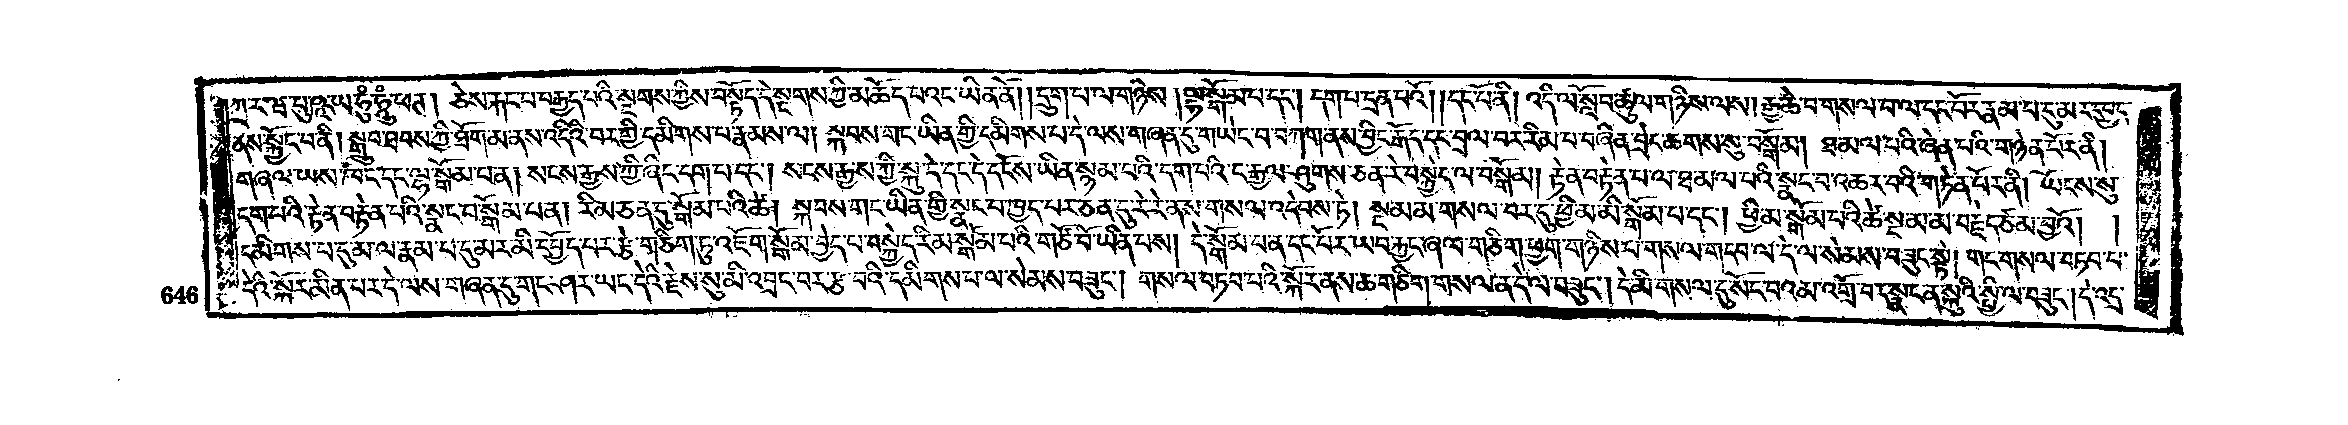ཀྲ་ར་ཝ་པུཥཱ་ཡ་ཧུཾ་ཧཱུཾ་ཕཊ། ཅེས་རྐང་པ་བརྒྱད་པའི་སྔགས་ཀྱིས་བསྟོད་དེ་སྔགས་ཀྱི་མཆོད་པའང་ཡིན་ནོ། །དྲུག་པ་ལ་གཉིས། ལྷ་སྒོམ་པ་དང་། དག་པ་དྲན་པའོ། །དང་པོ་ནི། འདི་ལ་སློབ་ཚུལ་གཉིས་ལས། རྒྱ་ཆེ་བ་གསལ་བ་ལ་དང་པོར་རྣམ་པ་དུ་མར་དཔྱད་
ནས་སྐྱོང་པ་ནི། སྒྲུབ་ཐབས་ཀྱི་ཐོག་མ་ནས་འདིའི་བར་གྱི་དམིགས་པ་རྣམས་ལ། སྐབས་གང་ཡིན་གྱི་དམིགས་པ་དེ་ལས་གཞན་དུ་གཡེང་བ་བཀག་ནས་བྱིང་རྒོད་དང་བྲལ་བར་རིམ་པ་བཞིན་བྲེང་ཆགས་སུ་བསྒོམ། ཐ་མལ་པའི་ཞེན་པའི་གཉེན་པོར་ནི།
གཞལ་ཡས་ཁང་དང་ལྷ་སྒོམ་པ་ན། སངས་རྒྱས་ཀྱི་ཞིང་དག་པ་དང་། སངས་རྒྱས་ཀྱི་སྐུ་དེ་དང་དེ་དངོས་ཡིན་སྙམ་པའི་དག་པའི་ང་རྒྱལ་ཤུགས་ཅན་རེ་བསྐྱེད་ལ་བསྒོམ། རྟེན་བརྟེན་པ་ལ་ཐ་མལ་པའི་སྣང་བ་འཆར་བའི་གཉེན་པོར་ནི། ཡོངས་སུ་
དག་པའི་རྟེན་བརྟེན་པའི་སྣང་བ་སྒོམ་པ་ན། རིམ་ཅན་དུ་སྒོམ་པའི་ཚེ། སྐབས་གང་ཡིན་གྱི་སྣང་བ་ཁྱད་པར་ཅན་དུ་རེ་རེ་ནས་གསལ་འདེབས་ཏེ། སྔ་མ་མ་གསལ་བར་དུ་ཕྱི་མ་མི་སྒོམ་པ་དང་། ཕྱི་མ་སྒོམ་པའི་ཚེ་སྔ་མ་མ་བརྗེད་ཙེམ་བྱའོ། །
དམིགས་པ་དུ་མ་ལ་རྣམ་པ་དུ་མར་མི་དཔྱོད་པར་རྩེ་གཅིག་ཏུ་འཇོག་སྒོམ་བྱེད་པ་བསྐྱེད་རིམ་སྒོམ་པའི་གཙོ་བོ་ཡིན་པས། དེ་སྒོམ་པ་ན་དང་པོར་ཡབ་རྐྱང་ཞལ་གཅིག་ཕྱག་གཉིས་པ་གསལ་གདབ་ལ་དེ་ལ་སེམས་བཟུང་སྟེ། གང་གསལ་བཏབ་པ་
དེའི་སྐོར་མིན་པར་དེ་ལས་གཞན་དུ་གང་ཤར་ཡང་དེའི་རྗེས་སུ་མི་འབྲང་བར་རྩ་བའི་དམིགས་པ་ལ་སེམས་བཟུང་། གསལ་བཏབ་པའི་སྐོར་ནས་ཆ་གཅིག་གསལ་ན་དེ་ལ་བཟུང་། དེ་མི་གསལ་དུ་སོང་བའམ་འགྲོ་བར་སྣང་ན་སྐུའི་སྤྱི་ལ་བཟུང་། དེ་འདྲ་